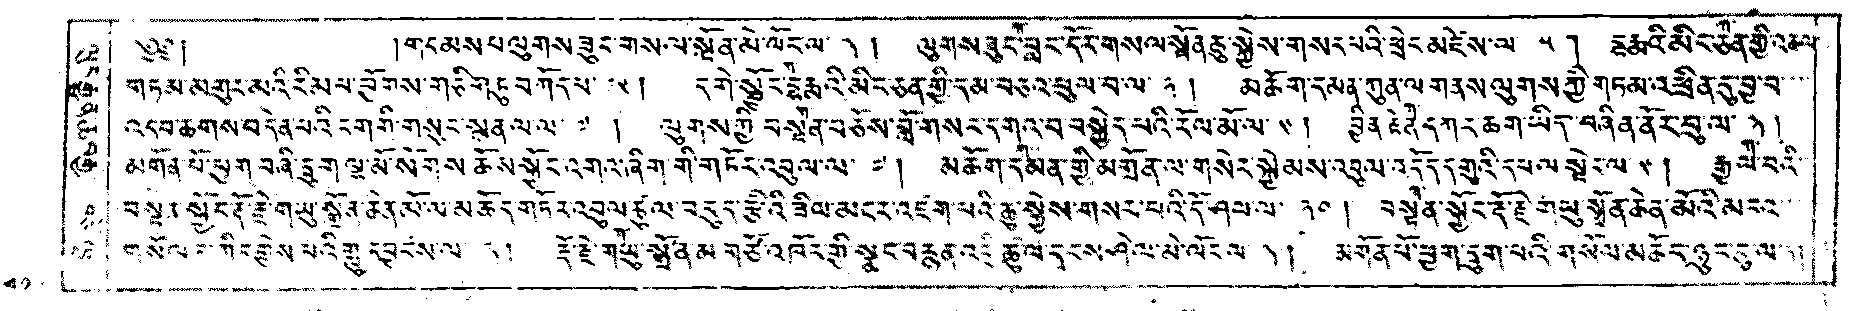༄༅། །གདམས་པ་ལུགས་ཟུང་གསལ་སྟོན་མེ་ལོང་ལ ༣། ལུགས་ཟུང་ཀ་བླང་དོར་གསལ་སྟོན་ཆུ་སྐྱེས་གསར་པའི་ཕྲེང་མཛེས་ལ ༥། དྷརྨའི་མིང་ཅན་ཀ་གྱི་འཆལ་
གཏམ་མགུར་མའི་རིམ་པ་ཕྱོགས་གཅིག་ཏུ་བཀོད་པ ༡༤། དགེ་སྦྱོང་ཀ་དྷརྨའི་མིང་ཅན་གྱི་དམ་བཅའ་ཕུལ་བ་ལ ༢། མཆོག་དམན་ཀུན་ལ་གནས་ལུགས་ཀྱི་གཏམ་འཕྲིན་དུ་བྱ་བ་
འདབ་ཆགས་བདེན་པའི་ངག་གི་གསུང་སྙན་ལ་ལ ༧། ལུགས་ཀྱི་ཀ་བསྟན་བཅོས་བློ་གསར་དགའ་བ་བསྐྱེད་པའི་རོལ་མོ་ལ ༤། བྱིན་རྟེན་ཀ་དཀར་ཆག་ཡིད་བཞིན་ནོར་བུ་ལ ༣།
མགོན་པོ་ཕྱག་བཞི་དྲུག་ལྷ་མོ་སོགས་ཆོས་སྐྱོང་འགའ་ཞིག་གི་གཏོར་འབུལ་ལ ༧། མཆོག་ཀ་དམན་གྱི་མགྲོན་ལ་གསེར་སྐྱེམས་འབུལ་འདོད་དགུའི་དཔལ་སྟེར་ལ ༤། རྒྱལ་ཀ་བའི་
བསྟན་སྐྱོང་རྡོ་རྗེ་གཡུ་སྒྲོན་ཆེན་མོ་ལ་མཆོད་གཏོར་འབུལ་ཚུལ་བདུད་རྩིའི་ཟིལ་མངར་འཛག་པའི་ཆུ་སྐྱེས་གསར་པའི་དོ་ཤལ་ལ ༢༠། ཀ་བསྟན་སྐྱོང་རྡོ་རྗེ་གཡུ་སྒྲོན་ཆེན་མོའི་མངའ་
གསོལ་ཌཱ་ཀི་དགྱེས་པའི་གླུ་དབྱངས་ལ ༣། རྡོ་རྗེ་ཀ་གཡུ་སྒྲོན་མ་གཙོ་འཁོར་གྱི་སྣང་བརྙན་འབྲི་ཚུལ་དྭངས་ཤེལ་མེ་ལོང་ལ ༣། མགོན་པོ་ཕྱག་དྲུག་པའི་གསོལ་མཆོད་ཉུང་ངུ་ལ ༢།